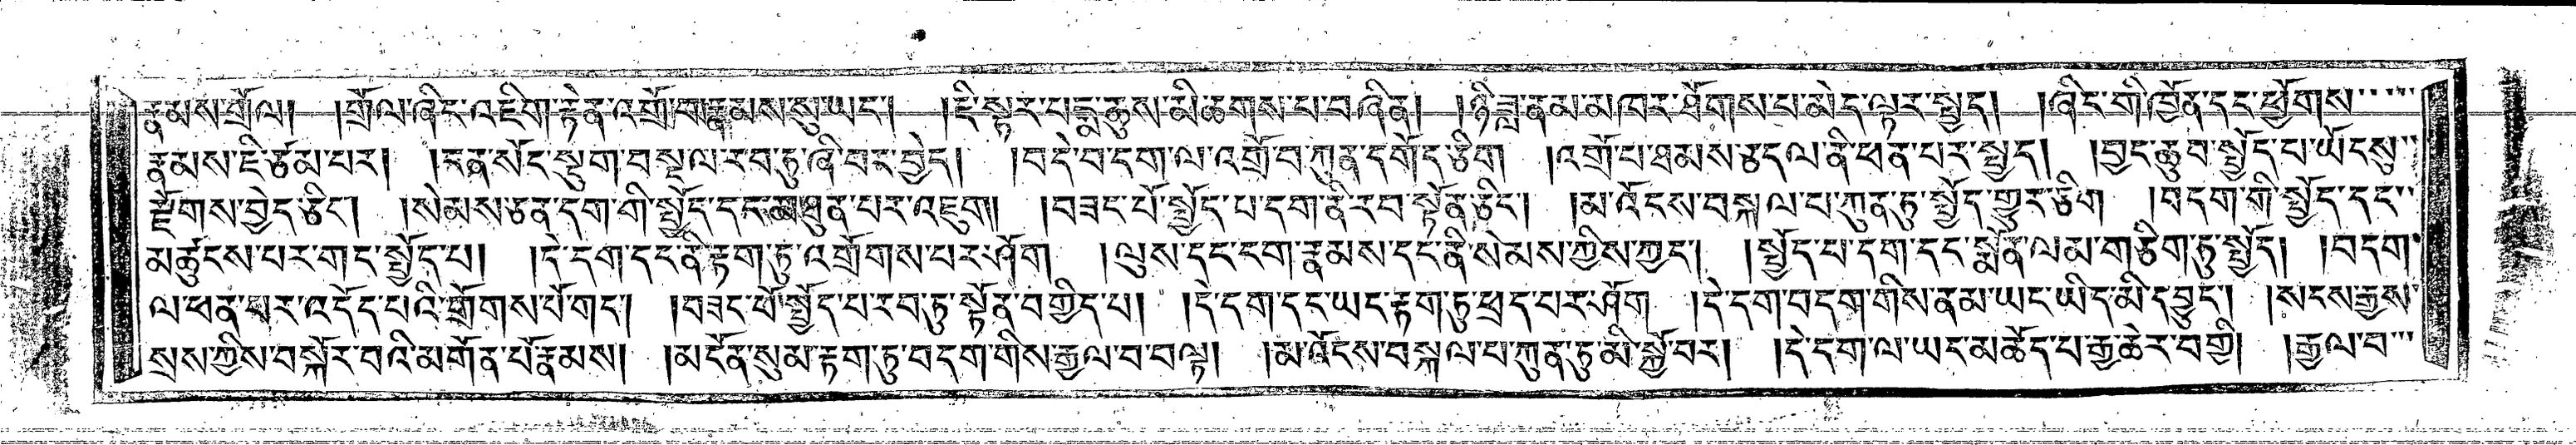རྣམས་གྲོལ། །གྲོལ་ཞིང་འཇིག་རྟེན་འགྲོ་བ་རྣམས་སུ་ཡང་། །ཇི་སྟར་པདམ་ཆུས་མི་ཆགས་པ་བཞིན། །ཉི་ཟླ་ནམ་མཁར་ཐོགས་པ་མེད་ལྟར་སྤྱད། །ཞིང་གི་ཁྱོན་དང་ཕྱོགས་
རྣམས་ཇི་ཙམ་པར། །ངན་སོང་སྡུག་བསྔལ་རབ་ཏུ་ཞི་བར་བྱེད། །བདེ་བ་དག་ལ་འགྲོ་བ་ཀུན་དགོད་ཅིག །འགྲོ་བ་ཐམས་ཅད་ལ་ནི་ཕན་པར་སྤྱད། །བྱང་ཆུབ་སྤྱོད་པ་ཡོངས་སུ་
རྫོགས་བྱེད་ཅིང་། །སེམས་ཅན་དག་གི་སྤྱོད་དང་མཐུན་པར་འཇུག །བཟང་པོ་སྤྱོད་པ་དག་ནི་རབ་སྟོན་ཅིང་། །མ་འོངས་བསྐལ་པ་ཀུན་ཏུ་སྤྱོད་གྱུར་ཅིག །བདག་གི་སྤྱོད་དང་
མཚུངས་པར་གང་སྤྱོད་པ། །དེ་དག་དང་ནི་རྟག་ཏུ་འགྲོགས་པར་ཤོག །ལུས་དང་ངག་རྣམས་དང་ནི་སེམས་ཀྱིས་ཀྱང་། །སྤྱོད་པ་དག་དང་སྨོན་ལམ་གཅིག་ཏུ་སྤྱོད། །བདག་
ལ་ཕན་པར་འདོད་པའི་གྲོགས་པོ་གང་། །བཟང་པོ་སྤྱོད་པ་རབ་ཏུ་སྟོན་བགྱིད་པ། །དེ་དག་དང་ཡང་རྟག་ཏུ་ཕྲད་པར་ཤོག །དེ་དག་བདག་གིས་ནམ་ཡང་ཡིད་མི་དབྱུང་། །སངས་རྒྱས་
སྲས་ཀྱིས་བསྐོར་བའི་མགོན་པོ་རྣམས། །མངོན་སུམ་རྟག་ཏུ་བདག་གིས་རྒྱལ་བ་བལྟ། །མ་འོངས་བསྐལ་པ་ཀུན་ཏུ་མི་སྐྱོ་བར། །དེ་དག་ལ་ཡང་མཆོད་པ་རྒྱ་ཆེར་བགྱི། །རྒྱལ་བ་